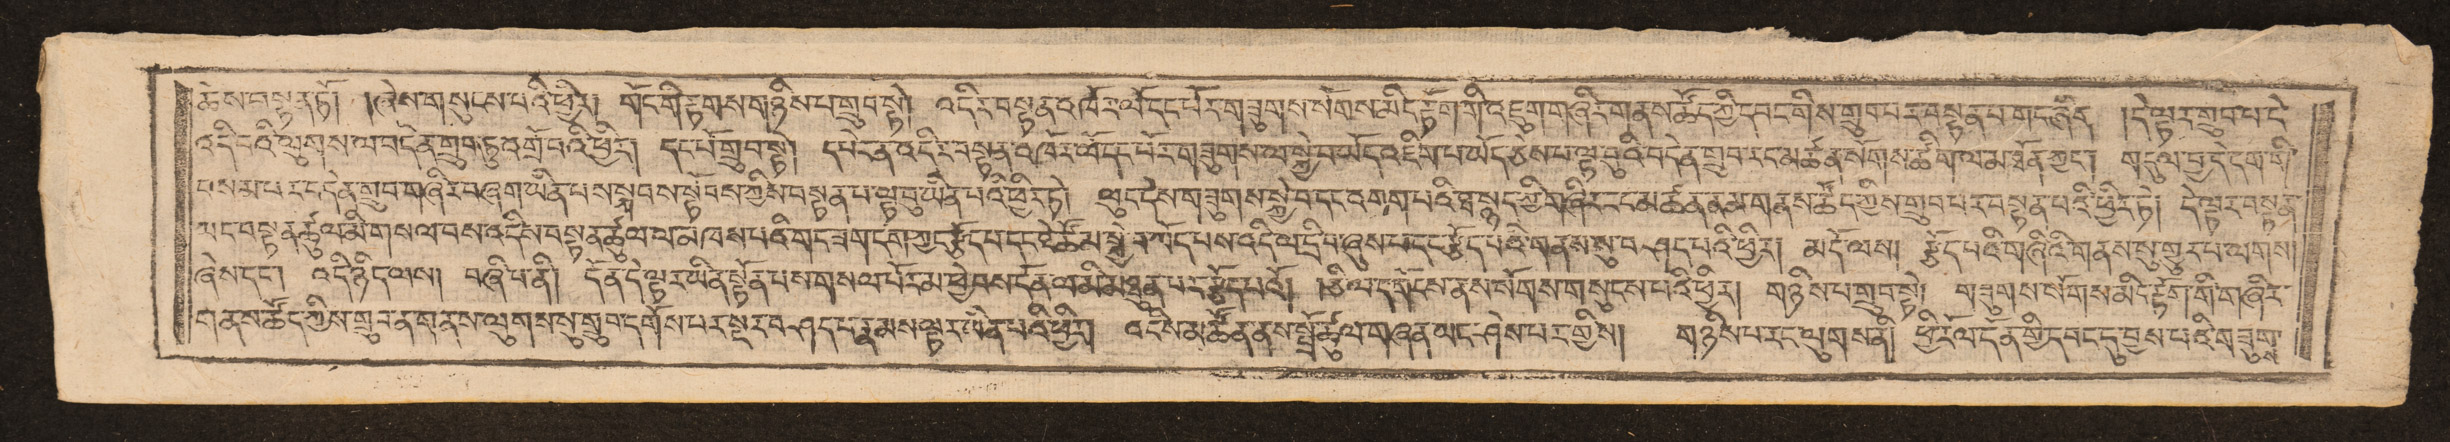ཆོས་བསྟན་ཏོ། །ཞེས་གསུངས་པའི་ཕྱིར། གོང་གི་རྟགས་གཉིས་པ་གྲུབ་སྟེ། འདིར་བསྟན་འཁོར་ལོ་དང་པོར་གཟུགས་སོགས་མིང་རྟོག་གི་འཇུག་གཞིར་གནས་ཚོད་ཀྱི་དབང་གིས་གྲུབ་པར་བསྟན་པ་གང་ཞིག །དེ་ལྟར་གྲུབ་པ་དེ་
འདི་བའི་ལུགས་ལ་བདེན་གྲུབ་ཏུ་འགྲོ་བའི་ཕྱིར། དང་པོ་གྲུབ་སྟེ། དཔེར་ན་འདིར་བསྟན་འཁོར་ལོ་དང་པོར་གཟུགས་ལ་སྐྱེ་བ་ཡོད་འཇིག་པ་ཡོད་ཅེས་པ་ལྟ་བུའི་བདེན་གྲུབ་རང་མཚན་སོགས་ཚིག་ལ་མ་ཐོན་ཀྱང་། གདུལ་བྱ་དེ་དག་གི་
བསམ་པར་བདེན་གྲུབ་གཞིར་བཞག་ཡིན་པས་སྐབས་སྟོབས་གྱིས་བསྟན་པ་ལྟ་བུ་ཡིན་པའི་ཕྱིར་ཏེ། ལུང་དེས་གཟུགས་སྐྱེ་བ་དང་འགག་བའི་ཐ་སྙད་ཀྱི་གཞིར་རང་མཚན་ནམ་གནས་ཚོད་ཀྱིས་གྲུབ་པར་བསྟན་པའི་ཕྱིར་ཏེ། དེ་ལྟར་བསྟན་
ཡང་བསྟན་ཚུལ་མི་གསལ་བས་འདིས་བསྟན་ཚུལ་ལ་མཁས་པའི་གང་ཟག་དག་ཀྱང་རྩོད་པ་དང་ཐེ་ཚོམ་སྐྱེ་བ་ཡོད་པས་འདི་ལ་དྲི་བ་ཞུས་པ་དང་རྩོད་པའི་གནས་སུ་བཤད་པའི་ཕྱིར། མདོ་ལས། རྩོད་པའི་གཞིའི་གནས་སུ་གྱུར་པ་ལགས།
ཞེས་དང་། འདི་ཉིད་ལས། བཞི་པ་ནི། དོན་དེ་ལྟར་ཡིན་སྟོན་པས་གསལ་པོར་མ་ཕྱེ་བས་དོན་ལ་མི་མཐུན་བར་རྩོད་པའོ། །ཅི་ལ་དགོངས་ནས་སོགས་གསུངས་པའི་ཕྱིར། གཉིས་པ་གྲུབ་སྟེ། གཟུགས་སོགས་མིང་རྟོག་གི་གཞིར་
གནས་ཚོད་ཀྱིས་གྲུབ་ན་གནས་ལུགས་སུ་གྲུབ་དགོས་པར་སྔར་བཤད་པ་རྣམས་ལྟར་ཡིན་པའི་ཕྱིར། འདིས་མཚོན་ནས་སྤྲོ་ཚུལ་གཞན་ཡང་ཤེས་པར་གྱིས། གཉིས་པ་རང་ལུགས་ནི། ཕྱི་རོལ་དོན་གྱི་དབང་དུ་བྱས་པའི་གཟུགས་